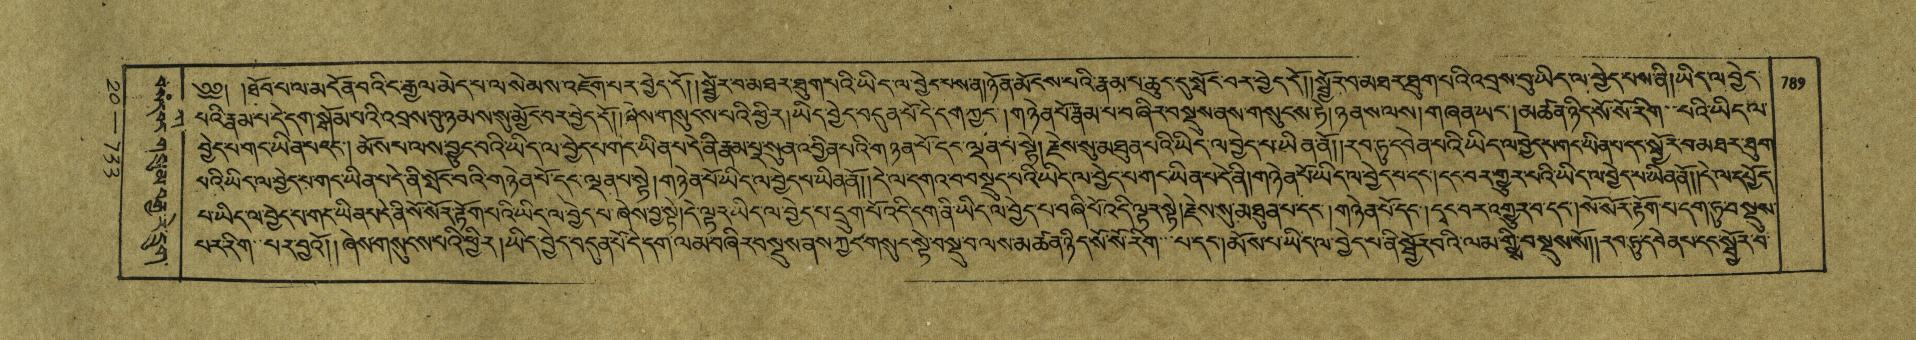༄༅། །ཐོབ་པ་ལ་མངོན་པའི་ང་རྒྱལ་མེད་པ་ལ་སེམས་འཇོག་པར་བྱེད་དོ། །སྦྱོར་བ་མཐར་ཐུག་པའི་ཡིད་ལ་བྱེད་པས་ན། ཉོན་མོངས་པའི་རྣམ་པ་ཆུང་དུ་སྤོང་བར་བྱེད་དོ། །སྦྱོར་བ་མཐར་ཐུག་པའི་འབྲས་བུ་ཡིད་ལ་བྱེད་པས་ནི། ཡིད་ལ་བྱེད་
པའི་རྣམ་པ་དེ་དག་སྒོམ་པའི་འབྲས་བུ་ཉམས་སུ་མྱོང་བར་བྱེད་དོ། །ཞེས་གསུངས་པའི་ཕྱིར། ཡིད་བྱེད་བདུན་པོ་དེ་དག་ཀྱང་། གཉེན་པོ་རྣམ་པ་བཞིར་བསྡུས་ནས་གསུངས་ཏེ། ཉན་ས་ལས། གཞན་ཡང་། མཚན་ཉིད་སོ་སོ་རིག་པའི་ཡིད་ལ་
བྱེད་པ་གང་ཡིན་པའང་། མོས་པ་ལས་བྱུང་བའི་ཡིད་ལ་བྱེད་པ་གང་ཡིན་པ་དེ་ནི་རྣམ་པར་སུན་འབྱིན་པའི་གཉན་པོ་དང་ལྡན་པ་སྟེ། རྗེས་སུ་མཐུན་པའི་ཡིད་ལ་བྱེད་པ་ཡིན་ནོ། །རབ་ཏུ་དབེན་པའི་ཡིད་ལ་བྱེད་པ་གང་ཡིན་པ་དང་སྦྱོར་བ་མཐར་ཐུག་
པའི་ཡིད་ལ་བྱེད་པ་གང་ཡིན་པ་དེ་ནི་སྤོང་བའི་གཉེན་པོ་དང་ལྡན་པ་སྟེ། གཉེན་པོ་ཡིད་ལ་བྱེད་པ་ཡིན་ནོ། །དེ་ལ་དགའ་བ་བསྡུད་པའི་ཡིད་ལ་བྱེད་པ་གང་ཡིན་པ་དེ་ནི། གཉེན་པོ་ཡིད་ལ་བྱེད་པ་དང་། དང་བར་གྱུར་པའི་ཡིད་ལ་བྱེད་པ་ཡིན་ནོ། །དེ་ལ་དཔྱོད་
པ་ཡིད་ལ་བྱེད་པ་གང་ཡིན་པ་དེ་ནི་སོ་སོར་རྟོགས་པའི་ཡིད་ལ་བྱེད་པ་ཞེས་བྱ་སྟེ། དེ་ལྟར་ཡིད་ལ་བྱེད་པ་དྲུག་པོ་འདི་དག་ནི་ཡིད་ལ་བྱེད་པ་བཞི་པོ་འདི་ལྟར་སྟེ། རྗེས་སུ་མཐུན་པ་དང་། གཉེན་པོ་དང་། དྭང་བར་འགྱུར་བ་དང་། སོ་སོར་རྟོག་པ་དག་ཏུ་བསྡུས་
པར་རིག་པར་བྱའོ། །ཞེས་གསུངས་པའི་ཕྱིར། ཡིད་བྱེད་བདུན་པོ་དེ་དག་ལམ་བཞིར་བསྡུས་ནས་ཀྱང་གསུང་སྟེ་བསྡུ་བ་ལས་མཚན་ཉིད་སོ་སོ་རིག་པ་དང་།མོས་པ་ཡིད་ལ་བྱེད་པ་ནི་སྦྱོར་བའི་ལམ་གྱིས་བསྡུས་སོ། །རབ་ཏུ་དབེན་པ་དང་སྦྱོར་བ་